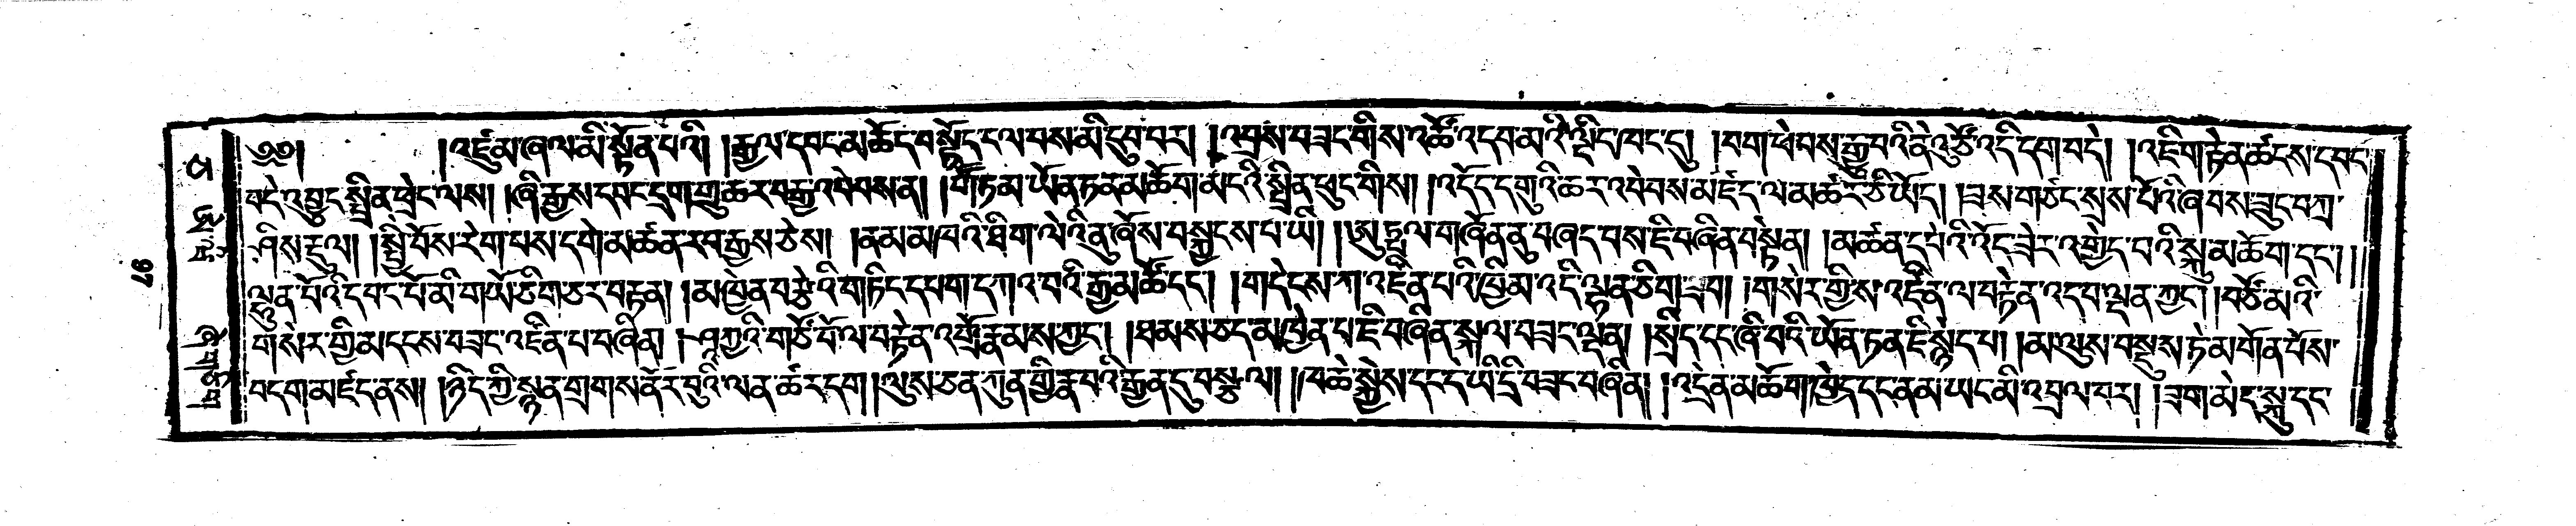༄༅། །འཛུམ་ཞལ་མི་སྟོན་པའི། །རྒྱལ་དབང་མཆོད་བསྟོད་ངལ་བས་མི་དུབ་པར། །འབྲས་བཟང་གིས་འཚོ་འདབ་མའི་ལྡིང་ཁང་དུ། །བག་ཕེབས་རྒྱུ་བའི་ནེའུ་ཙོ་འདི་དག་བདེ། །འཇིག་རྟེན་ཚངས་དབང་
བདེ་འབྱུང་སྤྲིན་ཕྲེང་ལས། །ཞི་རྒྱས་དབང་དྲག་གྲུ་ཆར་བརྒྱ་འབེབས་ན། །གཽ་ཏམ་ཡོན་ཏན་མཆོག་མངའི་སྤྲིན་ཕུན་གིས། །འདོད་དགུའི་ཆར་འབེབས་མཛད་ལ་མཚར་ཅི་ཡོད། །ཟས་གཙང་སྲས་པོའི་ཞབས་ཟུང་བཀྲ་
ཤིས་རྡུལ། །སྤྱི་བོས་རེག་པས་དགེ་མཚན་རབ་རྒྱས་ཅེས། །ནམ་མཁའི་ཐིག་ལེའི་ནུ་ཞོས་བསྐྱངས་པ་ཡི། །ཨུཏྤལ་གཞོན་ནུ་བཞད་པས་ཇི་བཞིན་བསྟེན། །མཚན་དཔེའི་འོད་ཟེར་འགྱེད་པའི་སྐུ་མཆོག་དང་། །
ལྷུན་པོའི་དབང་པོ་མི་གཡོ་ཅིག་ཅར་བརྟན། །མཁྱེན་བརྩེའི་གཏིང་དཔག་དཀའ་བའི་རྒྱ་མཚོ་དང་། །གདེངས་ཀ་འཛིན་པའི་ཁྱིམ་འདི་ལྷན་ཅིག་ཟབ། །གསེར་གྱི་ས་འཛིན་ལ་བརྟེན་འདབ་ལྡན་ཀྱང་། །བཙོ་མའི་
གསེར་གྱི་མདངས་བཟང་འཛིན་པ་བཞིན། །ཤཱཀྱའི་གཙོ་བོ་ལ་བརྟེན་འགྲོ་རྣམས་ཀྱང་། །ཐམས་ཅད་མཁྱེན་པ་ཇི་བཞིན་སྐལ་བཟང་ལྡན། །སྲིད་དང་ཞི་བའི་ཡོན་ཏན་ཇི་སྙེད་པ། །མ་ལུས་བསྡུས་ཏེ་མགོན་པོས་
བདག་མཛད་ནས། །ཉིད་ཀྱི་སྙན་གྲགས་ནོར་བུའི་ལན་ཚར་དག །ལུས་ཅན་ཀུན་གྱི་རྣ་བའི་རྒྱན་དུ་བསྩལ། །ཁ་ཆེ་སྐྱེས་དང་དེ་ཡི་དྲི་བཟང་བཞིན། །འདྲེན་མཆོག་ཁྱེད་དང་ནམ་ཡང་མི་འབྲལ་བར། །ཟག་མེད་སྐུ་དང་